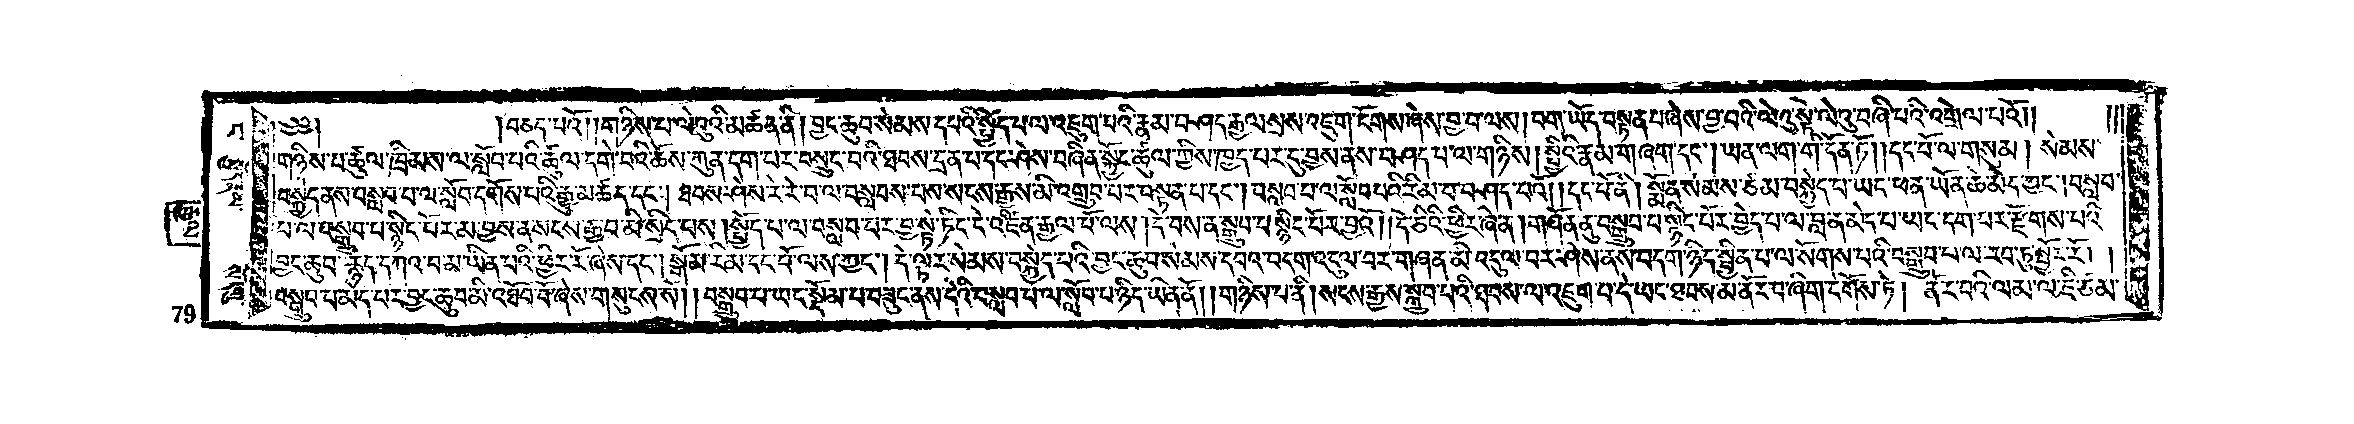༄༅། །བཅད་པའོ། །གཉིས་པ་ལེའུའི་མཚན་ནི། བྱང་ཆུབ་སེམས་དཔའི་སྤྱོད་པ་ལ་འཇུག་པའི་རྣམ་བཤད་རྒྱལ་སྲས་འཇུག་ངོགས་ཞེས་བྱ་བ་ལས། བག་ཡོད་བསྟན་པ་ཞེས་བྱའི་ལེའུ་སྟེ་ལེའུ་བཞི་པའི་འགྲེལ་པའོ།། །།
གཉིས་པ་ཚུལ་ཁྲིམས་ལ་སློབ་པའི་ཚུལ་དགེ་བའི་ཆོས་ཀུན་དག་པར་བསྲུང་བའི་ཐབས་དྲན་པ་དང་ཤེས་བཞིན་སྐྱོང་ཚུལ་གྱིས་ཁྱད་པར་དུ་བྱས་ནས་བཤད་པ་ལ་གཉིས། སྤྱིའི་རྣམ་གཞག་དང་། ཡན་ལག་གི་དོན་ཏོ། །དང་པོ་ལ་གསུམ། སེམས་
བསྐྱེད་ནས་བསླབ་པ་ལ་སློབ་དགོས་པའི་རྒྱུ་མཚན་དང་། ཐབས་ཤེས་རེ་རེ་བ་ལ་བླབས་པས་སངས་རྒྱས་མི་འགྲུབ་པར་བསྟན་པ་དང་། བསླབ་པ་ལ་སློབ་པའི་རིམ་པ་བཤད་པའོ། །དང་པོ་ནི། སྨོན་སེམས་ཙམ་བསྐྱེད་པ་ཡང་ཕན་ཡོན་ཆེ་མེད་ཀྱང་། བསླབ་
པ་ལ་བསྒྲུབ་པ་སྙིང་པོར་མ་བྱས་ན་སངས་རྒྱས་མི་སྲིད་པས། སྤྱོད་པ་ལ་བསླབ་པར་བྱ་སྟེ་ཏིང་ངེ་འཛིན་རྒྱལ་པོ་ལས། དེ་བས་ན་སྒྲུབ་པ་སྙིང་པོར་བྱའོ། །དེ་ཅིའི་ཕྱིར་ཞེ་ན། གཞོན་ནུ་བསྒྲུབ་པ་སྙིང་པོར་བྱེད་པ་ལ་བླ་ན་མེད་པ་ཡང་དག་པར་རྫོགས་པའི་
བྱང་ཆུབ་རྙེད་དཀའ་བ་མ་ཡིན་པའི་ཕྱིར་རོ་ཞེས་དང་། སྒོམ་རིམ་དང་པོ་ལས་ཀྱང་། དེ་ལྟར་སེམས་བསྐྱེད་པའི་བྱང་ཆུབ་སེམས་དཔའ་བདག་འདུལ་བར་གཞན་མི་འདུལ་བར་ཤེས་ནས་བདག་ཉིད་སྦྱིན་པ་ལ་སོགས་པའི་བསྒྲུབ་པ་ལ་རབ་ཏུ་སྦྱོར་རོ། །
བསྒྲུབ་པ་མེད་པར་བྱང་ཆུབ་མི་འཐོབ་བོ་ཞེས་གསུངས་སོ། །བསྒྲུབ་པ་ཡང་སྡོམ་པ་བཟུང་ནས་དེའི་བསླབ་པ་ལ་སློབ་པ་ཉིད་ཡིན་ནོ། །གཉིས་པ་ནི། སངས་རྒྱས་སྒྲུབ་པའི་ཐབས་ལ་འཇུག་པ་དེ་ཡང་ཐབས་མ་ནོར་བ་ཞིག་དགོས་ཏེ། ནོར་བའི་ལམ་ལ་ཇི་ཙམ་